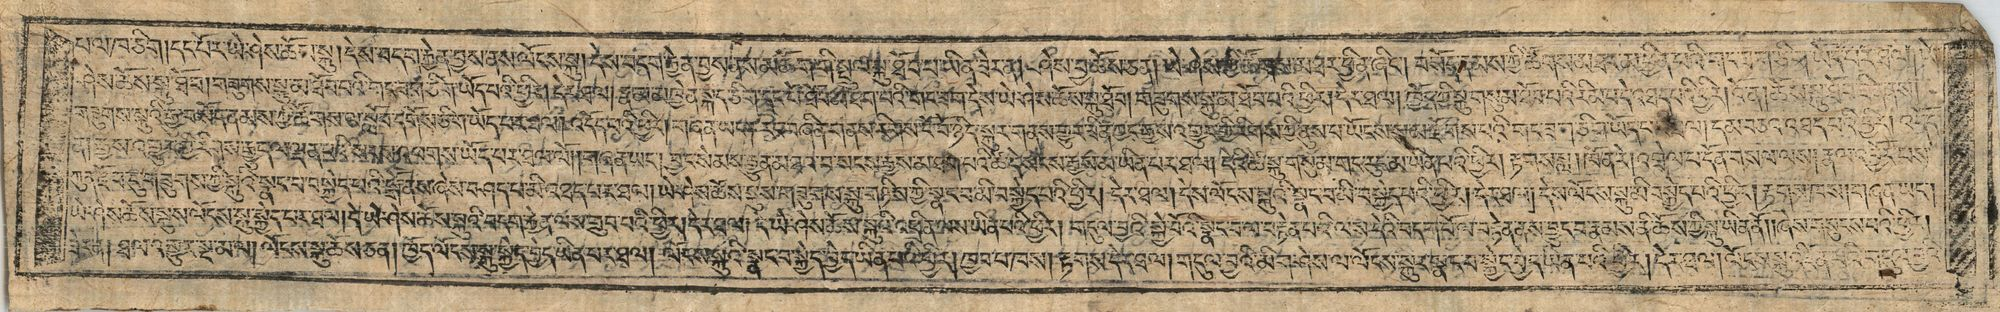པ་ལ་ཁ་ཅིག །དང་པོར་ཡེ་ཤེས་ཆོས་སྐུ། དེས་བདག་རྐྱེན་བྱས་ནས་ལོངས་སྐུ། དེས་བདག་རྐྱེན་བྱས་ནས་མཆོག་གི་སྤྲུལ་སྐུ་ཐོབ་པ་ཡིན་ཟེར་ན། ཤེས་བྱ་ཆོས་ཅན། ཡེ་ཤེས་ཀྱི་ཚོགས་མཐར་ཕྱིན་ཞིང་། བསོད་ནམས་ཀྱི་ཚོགས་མཐར་མ་ཕྱིན་པའི་གང་ཟག་ཅིག་ཡོད་པར་ཐལ། ཡེ་
ཤེས་ཆོས་སྐུ་ཐོབ། གཟུགས་སྐུ་མ་ཐོབ་པའི་གང་ཟག་ཅིག་ཡོད་པའི་ཕྱིར། དེར་ཐལ། རྣམ་མཁྱེན་སྐད་ཅིག་དང་པོ་ཐོབ་མ་ཐག་པའི་གང་ཟག་དེས་ཡེ་ཤེས་ཆོས་སྐུ་ཐོབ། གཟུགས་སྐུ་མ་ཐོབ་པའི་ཕྱིར། དེར་ཐལ། ཁྱོད་ཀྱི་སྐུ་གསུམ་ཐོབ་པའི་རིམ་པ་དེ་འཐད་པའི་ཕྱིར། འོ་ན། ཆོས་སྐུ་ཐོབ་ཟིན་ནས།
གཟུགས་སྐུའི་རྒྱུ་བསོད་ནམས་ཀྱི་ཚོགས་ལ་སློབ་དགོས་ཅིག་ཡོད་པར་ཐལ། འདོད་པའི་ཕྱིར། གཞན་ཡང་། རང་བཞིན་གནས་རིགས་ངོ་བོ་ཉིད་སྐུར་གནས་གྱུར་ཟིན་ཀྱང་རྒྱས་འགྱུར་གྱི་རིགས་ཀྱི་ནུས་པ་ཡོངས་སུ་མ་རྫོགས་པའི་གང་ཟག་ཅིག་ཡོད་པར་ཐལ། དམ་བཅའ་འཐད་པའི་ཕྱིར། འདོད་
ན། རྒྱས་འགྱུར་གྱི་རིགས་རྒྱུད་ལ་ལྡན་པའི་སངས་འཕགས་ཡོད་པར་ཐལ་ལོ། །གཞན་ཡང་། བྱང་སེམས་རྒྱུན་མཐའ་བ་སངས་རྒྱས་མ་ཐག་པའི་ཚེ་དེ་སངས་རྒྱས་མ་ཡིན་པར་ཐལ། དེའི་ཚེ་སྐུ་གསུམ་གང་རུང་མ་ཡིན་པའི་ཕྱིར། རྟགས་སླ། ཁོ་ན་རེ། འགྲེལ་པ་དོན་གསལ་ལས། རྣལ་འབྱོར་པས་
ཀུན་རྫོབ་དུ་གཟུགས་ཀྱི་སྐུའི་སྣང་བ་བསྐྱེད་པའི་སྒོ་ནས་ཞེས་བཤད་པ་མི་འཐད་པར་ཐལ། ཡེ་ཤེས་ཆོས་སྐུས་གཟུགས་སྐུ་གཉིས་ཀྱི་སྣང་བ་མི་བསྐྱེད་པའི་ཕྱིར། དེར་ཐལ། དེས་ལོངས་སྐུའི་སྣང་བ་མི་བསྐྱེད་པའི་ཕྱིར། དེར་ཐལ། དེས་ལོངས་སྐུ་མི་བསྐྱེད་པའི་ཕྱིར། རྟགས་ཁས། གཞན་ཡང་།
ཡེ་ཤེས་ཆོས་སྐུས་ལོངས་སྐུ་སྐྱེད་པར་ཐལ། དེ་ཡེ་ཤེས་ཆོས་སྐུའི་བདག་རྐྱེན་ལས་གྲུབ་པའི་ཕྱིར། དེར་ཐལ། དེ་ཡེ་ཤེས་ཆོས་སྐུའི་འཕྲིན་ལས་ཡིན་པའི་ཕྱིར། གདུལ་བྱའི་སྐྱེ་བོའི་སྣང་བ་ལ་བརྟེན་པའི་ལས་དེའི་བདག་པོ་ལ་བརྟེན་ནས་བྱུང་བ་རྣམས་ནི་ཆོས་ཀྱི་སྐུ་ཡིན་ནོ། །ཞེས་གསུངས་པའི་ཕྱིར།
ཟེར་ན། ཐལ་འགྱུར་སྔ་མ་ལ། ལོངས་སྐུ་ཆོས་ཅན། ཁྱོད་ལོངས་སྐུ་སྐྱེད་བྱེད་ཡིན་པར་ཐལ། ལོངས་སྐུའི་སྣང་བ་སྐྱེད་བྱེད་ཡིན་པའི་ཕྱིར། ཁྱབ་པ་ཁས། རྟགས་དེར་ཐལ། གདུལ་བྱའི་མིག་ཤེས་ལ་ལོངས་སྐུར་སྣང་བ་སྐྱེད་བྱེད་ཡིན་པའི་ཕྱིར། དེར་ཐལ། ལོངས་སྐུ་འཛིན་པའི་གདུལ་བྱའི་